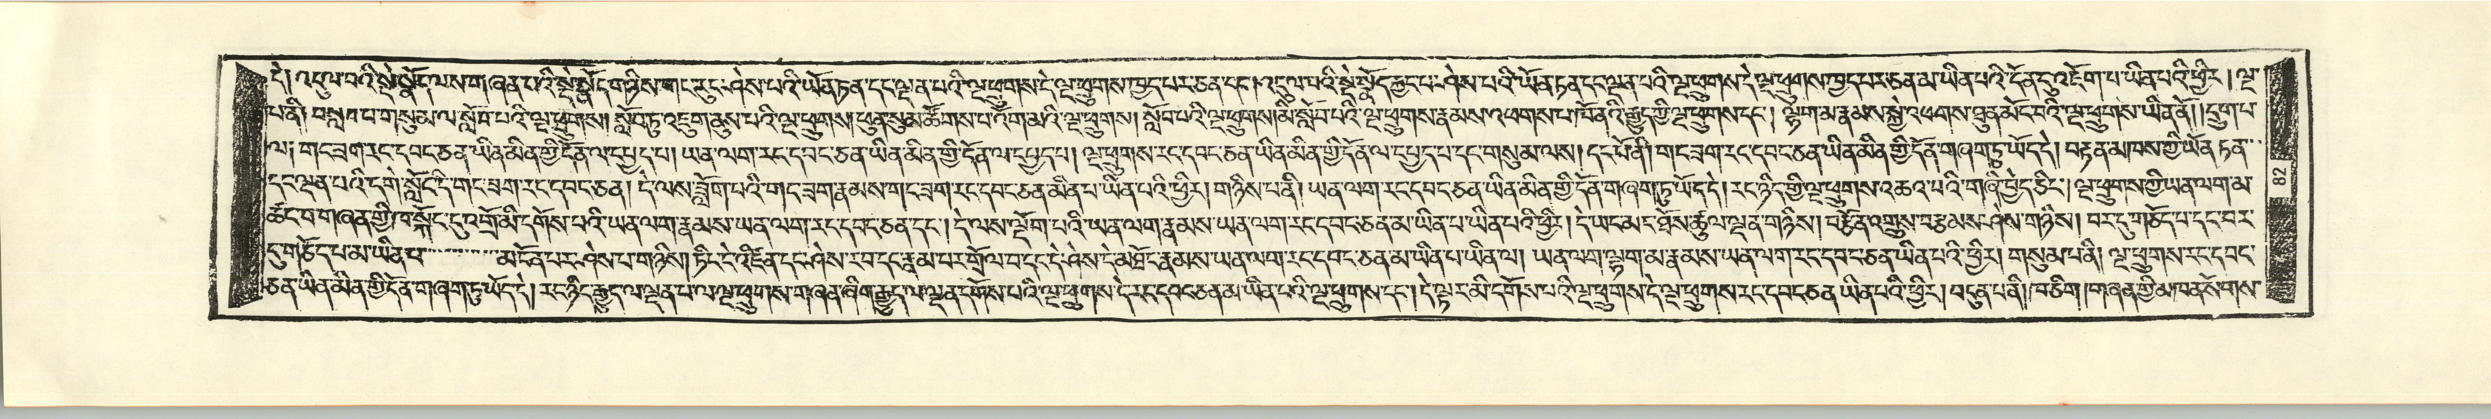དེ། འདུལ་བའི་སྡེ་སྣོད་ལས་གཞན་པའི་སྡེ་སྣོད་གཉིས་གང་རུང་ཤེས་པའི་ཡོན་ཏན་དང་ལྡན་པའི་ལྔ་ཕྲུགས་དེ་ལྔ་ཕྲུགས་ཁྱད་པར་ཅན་དང་། འདུལ་བའི་སྡེ་སྣོད་རྐྱང་པ་ཤེས་པའི་ཡོན་ཏན་དང་ལྡན་པའི་ལྔ་ཕྲུགས་དེ་ལྔ་ཕྲུགས་ཁྱད་པར་ཅན་མ་ཡིན་པའི་དོན་དུ་འཇོག་པ་ཡིན་པའི་ཕྱིར། ལྔ་
པ་ནི། བསླབ་པ་གསུམ་ལ་སློབ་པའི་ལྔ་ཕྲུགས། སློབ་ཏུ་འཇུག་ནུས་པའི་ལྔ་ཕྲུགས། ཕུན་སུམ་ཚོགས་པ་འོག་མའི་ལྔ་ཕྲུགས། སློབ་པའི་ལྔ་ཕྲུགས། མི་སློབ་པའི་ལྔ་ཕྲུགས་རྣམས་འཕགས་པ་ཁོ་ནའི་རྒྱུད་ཀྱི་ལྔ་ཕྲུགས་དང་། ལྷག་མ་རྣམས་སྐྱེ་འཕགས་ཐུན་མོང་བའི་ལྔ་ཕྲུགས་ཡིན་ནོ། །དྲུག་པ་
ལ༑ གང་ཟག་རང་དབང་ཅན་ཡིན་མིན་གྱི་དོན་ལ་དཔྱད་པ། ཡན་ལག་རང་དབང་ཅན་ཡིན་མིན་གྱི་དོན་ལ་དཔྱད་པ། ལྔ་ཕྲུགས་རང་དབང་ཅན་ཡིན་མིན་གྱི་དོན་ལ་དཔྱད་པ་དང་གསུམ་ལས། དང་པོ་ནི། གང་ཟག་རང་དབང་ཅན་ཡིན་མིན་གྱི་དོན་གཞག་ཏུ་ཡོད་དེ། བརྟན་མཁས་ཀྱི་ཡོན་ཏན་
དང་ལྡན་པའི་དགེ་སློང་དེ་གང་ཟག་རང་དབང་ཅན། དེ་ལས་ཟློག་པའི་གང་ཟག་རྣམས་གང་ཟག་རང་དབང་ཅན་མིན་པ་ཡིན་པའི་ཕྱིར། གཉིས་པ་ནི། ཡན་ལག་རང་དབང་ཅན་ཡིན་མིན་གྱི་དོན་གཞག་ཏུ་ཡོད་དེ། རང་ཉིད་གྱི་ལྔ་ཕྲུགས་འཆའ་པའི་གཞི་བྱེད་ཅིང་། ལྔ་ཕྲུགས་ཀྱི་ཡན་ལག་མ་
ཚང་བ་གཞན་གྱི་ཁ་སྐོང་དུ་འགྲོ་མི་དགོས་པའི་ཡན་ལག་རྣམས་ཡན་ལག་རང་དབང་ཅན་དང་། དེ་ལས་ལྡོག་པའི་ཡན་ལག་རྣམས་ཡན་ལག་རང་དབང་ཅན་མ་ཡིན་པ་ཡིན་པའི་ཕྱིར། དེ་ཡང་མང་ཐོས་ཚུལ་ལྡན་གཉིས། བརྩོན་འགྲུས་བརྩམས་ཤེས་གཉིས། བར་དུ་གཅོད་པ་དང་བར་
དུ་གཅོད་པ་མ་ཡིན་པ་མངོན་པར་ཤེས་པ་གཉིས། ཏིང་ངེ་འཛིན་དང་ཤེས་རབ་དང་རྣམ་པར་གྲོལ་བ་དང་དེ་ཤེས་དེ་མཐོང་རྣམས་ཡན་ལག་རང་དབང་ཅན་མ་ཡིན་པ་ཡིན་ལ། ཡན་ལག་ལྷག་མ་རྣམས་ཡན་ལག་རང་དབང་ཅན་ཡིན་པའི་ཕྱིར། གསུམ་པ་ནི། ལྔ་ཕྲུགས་རང་དབང་
ཅན་ཡིན་མིན་གྱི་དོན་གཞག་ཏུ་ཡོད་དེ། རང་ཉིད་རྒྱུད་ལ་ལྡན་པ་ལ་ལྔ་ཕྲུགས་གཞན་ཞིག་རྒྱུད་ལ་ལྡན་དགོས་པའི་ལྔ་ཕྲུགས་དེ་རང་དབང་ཅན་མ་ཡིན་པའི་ལྔ་ཕྲུགས་དང་། དེ་ལྟར་མི་དགོས་པའི་ལྔ་ཕྲུགས་དེ་ལྔ་ཕྲུགས་རང་དབང་ཅན་ཡིན་པའི་ཕྱིར། བདུན་པ་ནི། ཁ་ཅིག །གཞན་གྱི་མཁན་སོགས་